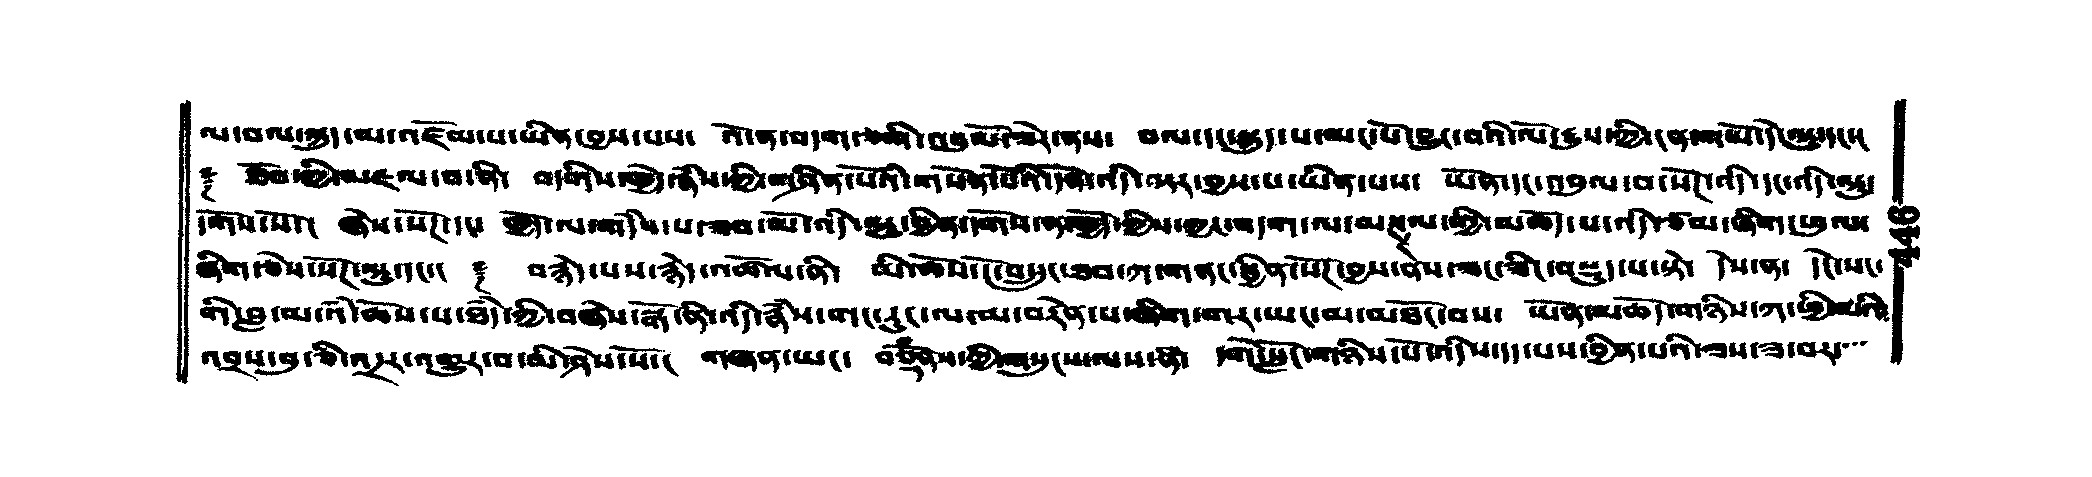ལ་བལ་སྐུད་མ་འཛོམས་པ་ཡིན་བྱས་པས། འོ་ན་བདག་ཅག་གི་འབུལ་ལོ་ཟེར་ནས། བལ་དང་སྐུད་པ་མང་པོ་བྱུང་བའི་ལོ་རྒྱུས་ཀྱི་ངན་གཡོ་དེ་ལྟ་བུ་དང་། 
ཐོབ་ཀྱིས་འཇལ་བ་ནི། བདག་གིས་ཁྱེད་རྣམས་ཀྱི་གཤིན་པོ་འམ་གསོན་པོའི་དོན་འདི་ལྟར་བྱས་པ་ཡིན་པས། ཡོན་དང་འབུལ་བ་སོགས་འདི་དང་འདི་ལྟ་བུ་
དགོས་སོ། ཞེས་སོགས་དང་། ཁྱོད་ལ་གདམས་པ་ཟབ་མོ་འདི་ལྟ་བུ་བྱིན་དགོས་ན་ཁྱོད་ཀྱིས་ཀྱང་བདག་ལ་མཎྜལ་གྱི་མཆོད་པ་འདི་ཙམ་ཞིག་ཕུལ་
ཞིག་ཅེས་སོགས་ལྟ་བུ་དང་། བརྙེད་པས་བརྙེད་འཚོལ་ནི། མི་ཆོས་ངོ་བསྲུང་ཐབས་ཀ་གནང་སྦྱིན་སོགས་བྱས་ནས་ཟང་ཟིང་བསྡུད་པ་སྟེ། དེས་ན། དེང་སང་
གི་བླ་མའམ་ཆོས་པ་ཐམས་ཅད་ཀྱི་བཞེས་སྒོ་ནི་འདི་རྣམས་གང་རུང་ལ་མ་བརྟེན་པ་ཞིག་གར་ཡང་མ་མཐོང་བས། ཡོན་མཆོད་གཉིས་ཀ་ཕྱི་མའི་
འབྲས་བུ་ཅི་འདྲར་འགྱུར་བ་མི་ཤེས་སོ།གཞན་ཡང་། བཅོམ་ལྡན་འདས་ཀྱི་གསུང་ལས་ནི། དགེ་སློང་གཉིས་པོ་འདིས་དད་པས་བྱིན་པའི་ཟས་ཟ་བར་